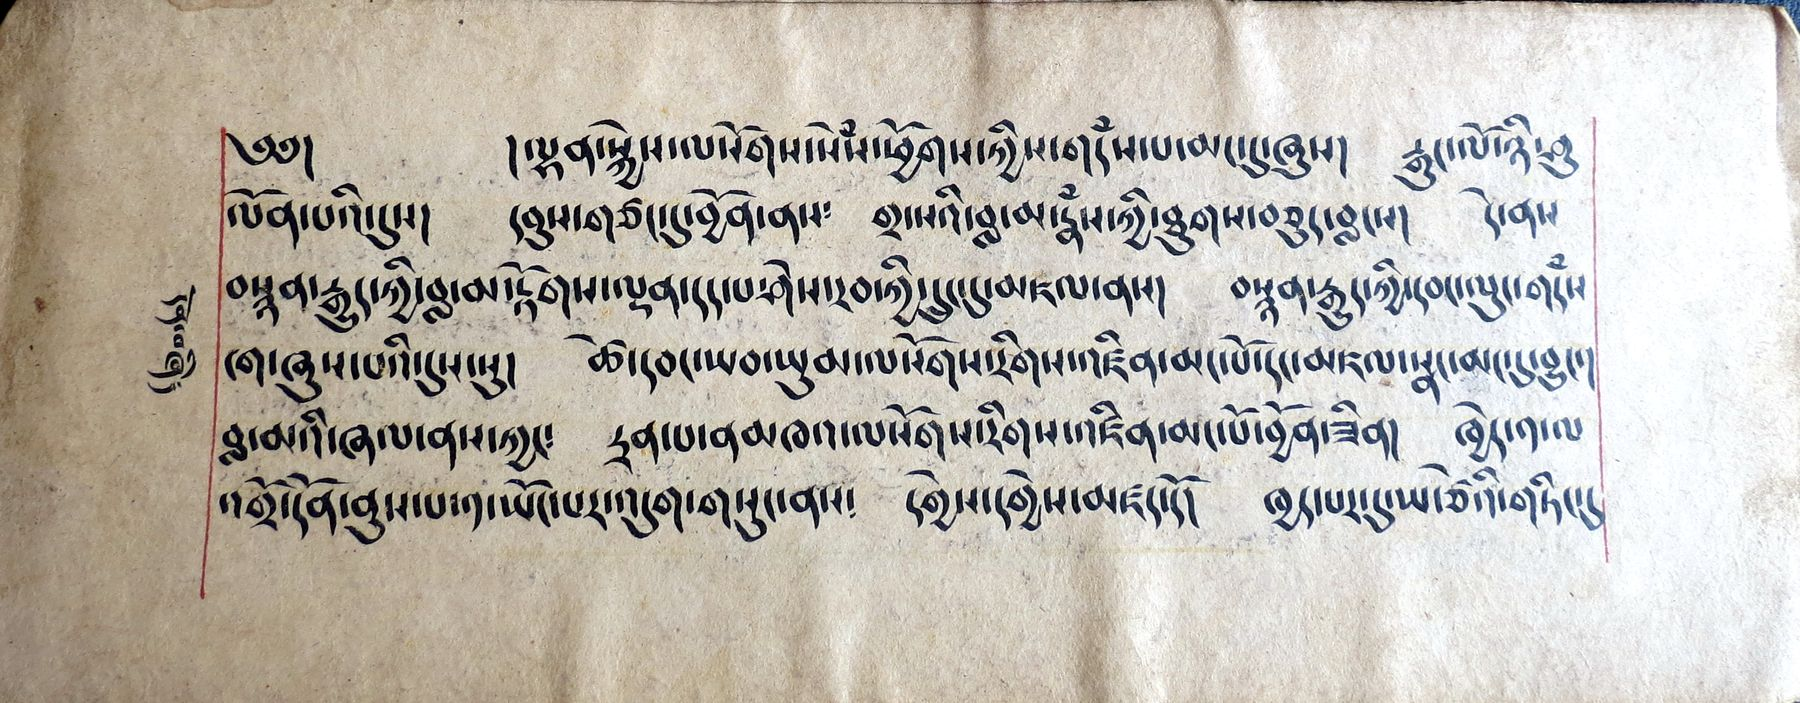ལྷན་སྐྱེས་ལ་སོགས་སེམས་པྱོགས་ཀྱི་གདམས་པ་མང་དུ་ཞུས། རྒུང་ལོ་ཉི་ཤུ་
ལོན་པའི་དུས། དབུས་གཙང་དུ་བྱོན་ནས། གྲྭ་སའི་བླ་མ་རྣམས་ཀྱི་ཐུགས་བཅུད་བླངས། དེ་ནས་
སྙན་རྒྱུད་ཀྱི་བླ་མ་རྟོགས་ལྡན་དད་པ་ཤེས་རབ་ཀྱི་དྲུང་དུ་མཇལ་ནས། སྙན་རྒྱུད་ཀྱི་དབང་ལུང་གདམས་
ངག་ཞུས་པའི་དུས་སུ། ཚེ་དབང་ཡབ་ཡུམ་ལ་སོགས་རིག་འཛིན་མང་པོ་དང་མཇལ་སྣང་མང་དུ་བྱུང་། 
བླ་མའི་ཞལ་ནས་ཀྱང་། དྲན་པ་ནམ་མཁའ་ལ་སོགས་རིག་འཛིན་མང་པོ་བྱོན་ཟིན། ཁྱེད་ཅིག་ལ་
འགྲོ་དོན་ནུས་པ་ཅིག་ཡོང་བར་འདུག་གསུངས་ནས་དགྱེས་དགྱེས་མཛད་དོ། །ཁྱད་པར་དུ་ཡ་ཙེའི་གཏིང་དུ་